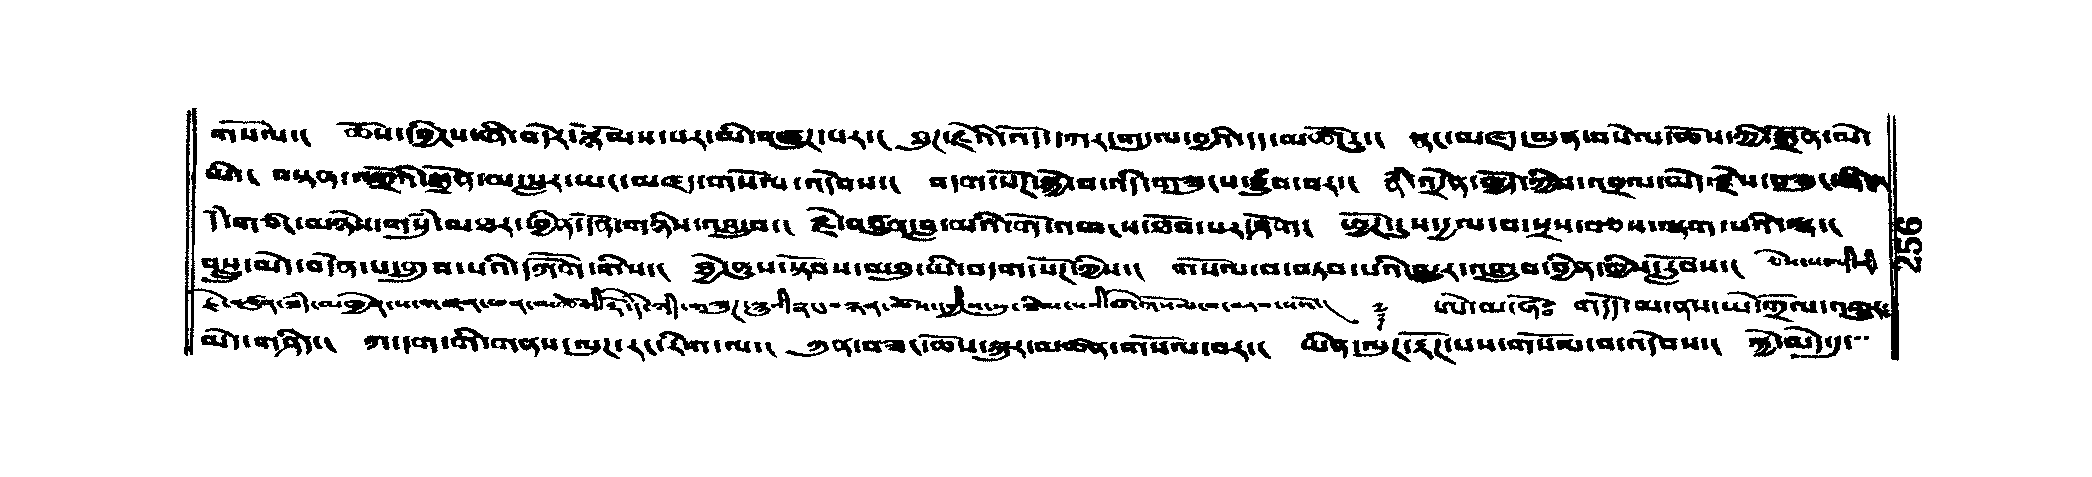གསོལ། །ཆོས་དབྱིངས་ཞི་བདེར་སྙོམས་པར་མི་བཞུགས་པར། །ཐུགས་རྗེའི་འོད་དཀར་གདུལ་བྱའི་དད་མཚོ་རུ། །སྣང་མཛད་མུན་སེལ་ཆོས་ཀྱི་སྒྲོན་མེ་
ཡི། །བསྟན་འགྲོའི་སྒྲོན་མ་སླར་ཡང་མཛད་གསོལ་འདེབས། །བདག་སོགས་སྐྱེ་བ་འདི་བཟུང་བྱང་ཆུབ་བར། །རྣམ་འདྲེན་ཁྱོད་ཀྱིས་འབྲལ་མེད་རྗེས་བཟུང་ཞིང་། །
དམ་གཙང་མཉེས་གསུམ་མཐར་ཕྱིན་དོན་གཉིས་འགྲུབ། །རྗེ་བཙུན་བླ་མའི་གོ་འཕང་ཐོབ་པར་ཤོག །ཕྱོགས་དུས་རྒྱལ་བ་སྲས་བཅས་ལྷག་པའི་ལྷ། །
བསླུ་མེད་བདེན་པ་གྲུབ་པའི་དཀོན་མཆོག་གིས། །ཐུགས་རྗེ་ནུས་སྟོབས་མཐུ་ཡི་བདག་སོགས་ཀྱིས། །གསོལ་བ་བཏབ་པ་མྱུར་འགྲུབ་བྱིན་གྱིས་རློབས།ཅེས་པ་འདི་ནི་
རྗེ་བཙུན་ཐམས་ཅད་མཁྱེན་པ་གཞན་ཕན་མཆོག་གི་རྡོ་རྗེ་དེ་ཉིད་གཟུགས་སྐུའི་སྣང་བརྙན་ཆོས་དབྱིངས་སུ་ཐིམ་པའི་ཚེ་གསོལ་བ་བཏབ་པའོ།། ༈ ཨེ་མ་ཧོཿ གདོད་མ་ནས་ཡེ་གྲོལ་འགྱུར་
མེད་གཤིས། །ཀ་དག་གི་གནས་ལུགས་རང་རིག་ལ། །ཀུན་བཟང་ཆོས་སྐུར་མཚན་གསོལ་བར། །ཡིན་ལུགས་རྟོགས་པས་གསོལ་བ་འདེབས། །སྐྱེ་མེད་དུ་